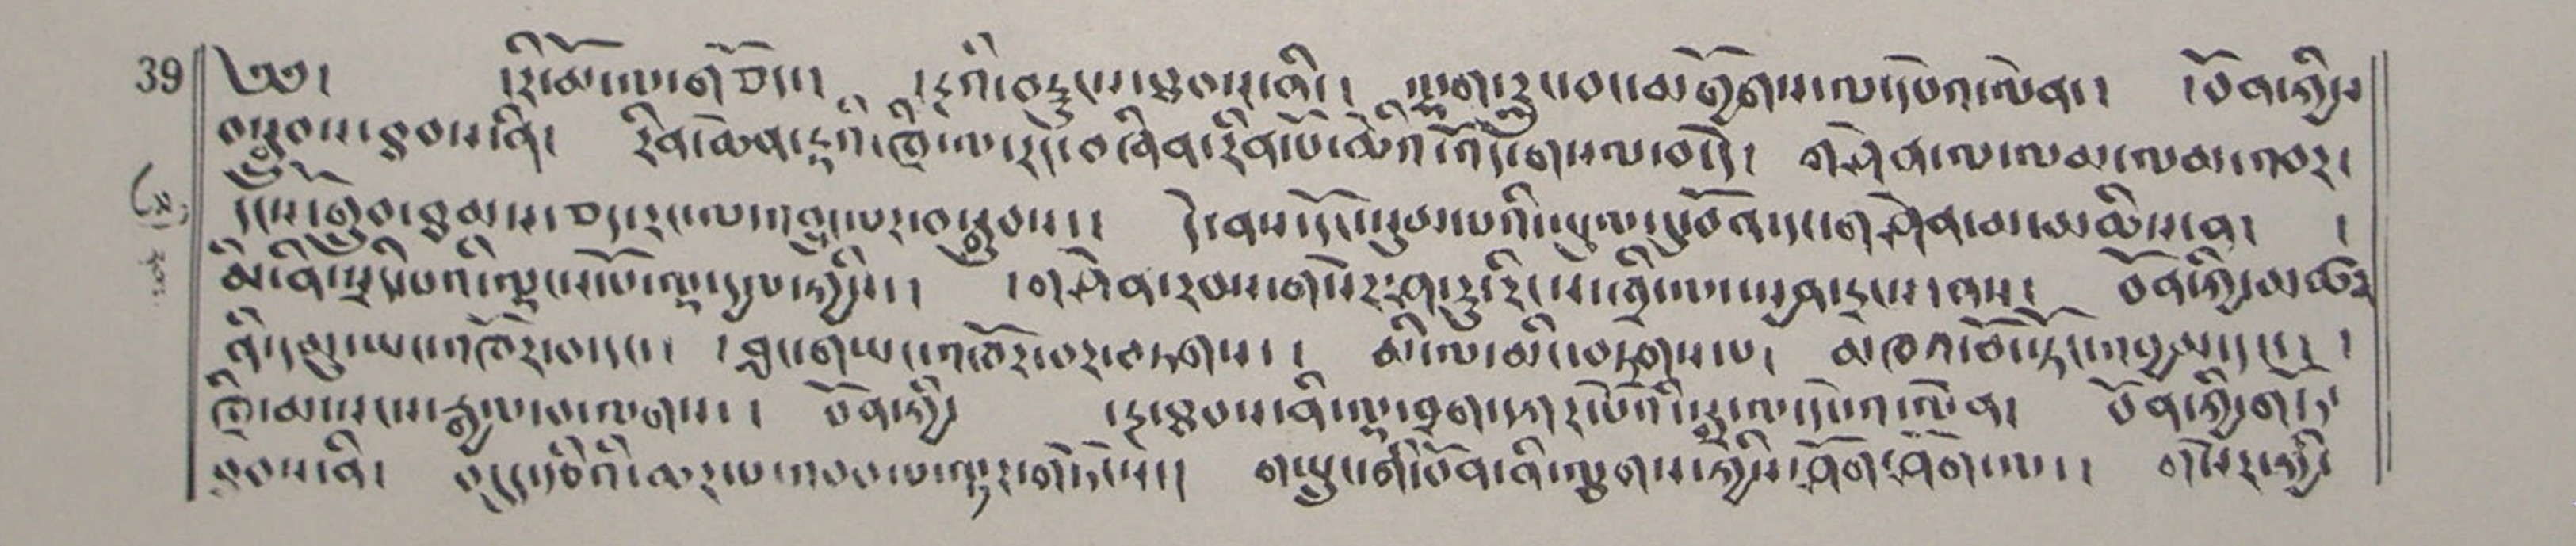༄༅། །རི་མོ་ལ་གཅོད། རྔའི་བརྡུང་ཐབས་ནི། ལྷགས་རླུང་བང་མགྱོགས་ལ་དཔེའ་ལེན། བོན་གྱི་
བསྒྲུབ་ཐབས་ནི། རིན་ཆེན་རྟའི་ཁྲི་ལ་རང་བཞིན་རིན་པོ་ཆེའི་འོད་གསལ་བ་དེ། གཤེན་ལ་ལམ་ལམ་འབར། 
དངོས་གྲུབ་ཐམས་ཅད་རང་ལ་འབྱུང་བར་བསྒྲུབས། དེ་ནས་དང་པོ་སུམ་པའི་ཡུལ་དུ་བོན་དང་གཤེན་མ་མཆིས་ན། 
མི་ནི་སྲིད་པའི་ལྷངས་པོ་ལྷ་རྒྱལ་གྱིས། གཤེན་རབ་གསེར་ཤ་རུ་རིངས་ཁྲི་ལ་སྤྱན་དྲངས་ནས། བོན་གྱི་མཚན་
ནི་དམུ་ཡང་འཁོར་བ་དང་། བླ་གཡང་འཁོར་བ་རུ་བཏགས། མི་ལ་མིང་བཏགས་པ་ནི། མཁའ་བོ་[ཁ་སོ]སྟོང་འབྱམས་དང་། 
ཁྲི་མ་སངས་རྒྱལ་བ་ལགས། བོན་གྱི་རྔ་ཐབས་ལྷ་བྲག་དཀར་པོའི་སྒྲ་ལས་དཔེའ་ལེན། བོན་གྱི་གཏོའ་
ཐབས་ནི། བདུད་རྩིའི་ཆར་བ་བབས་པ་ལྟར་གཏོང་། གཡུང་དྲུང་གི་བོན་ནི་ལྕགས་ཀྱི་ཤོག་ཤོག་ལ། གསེར་གྱི་